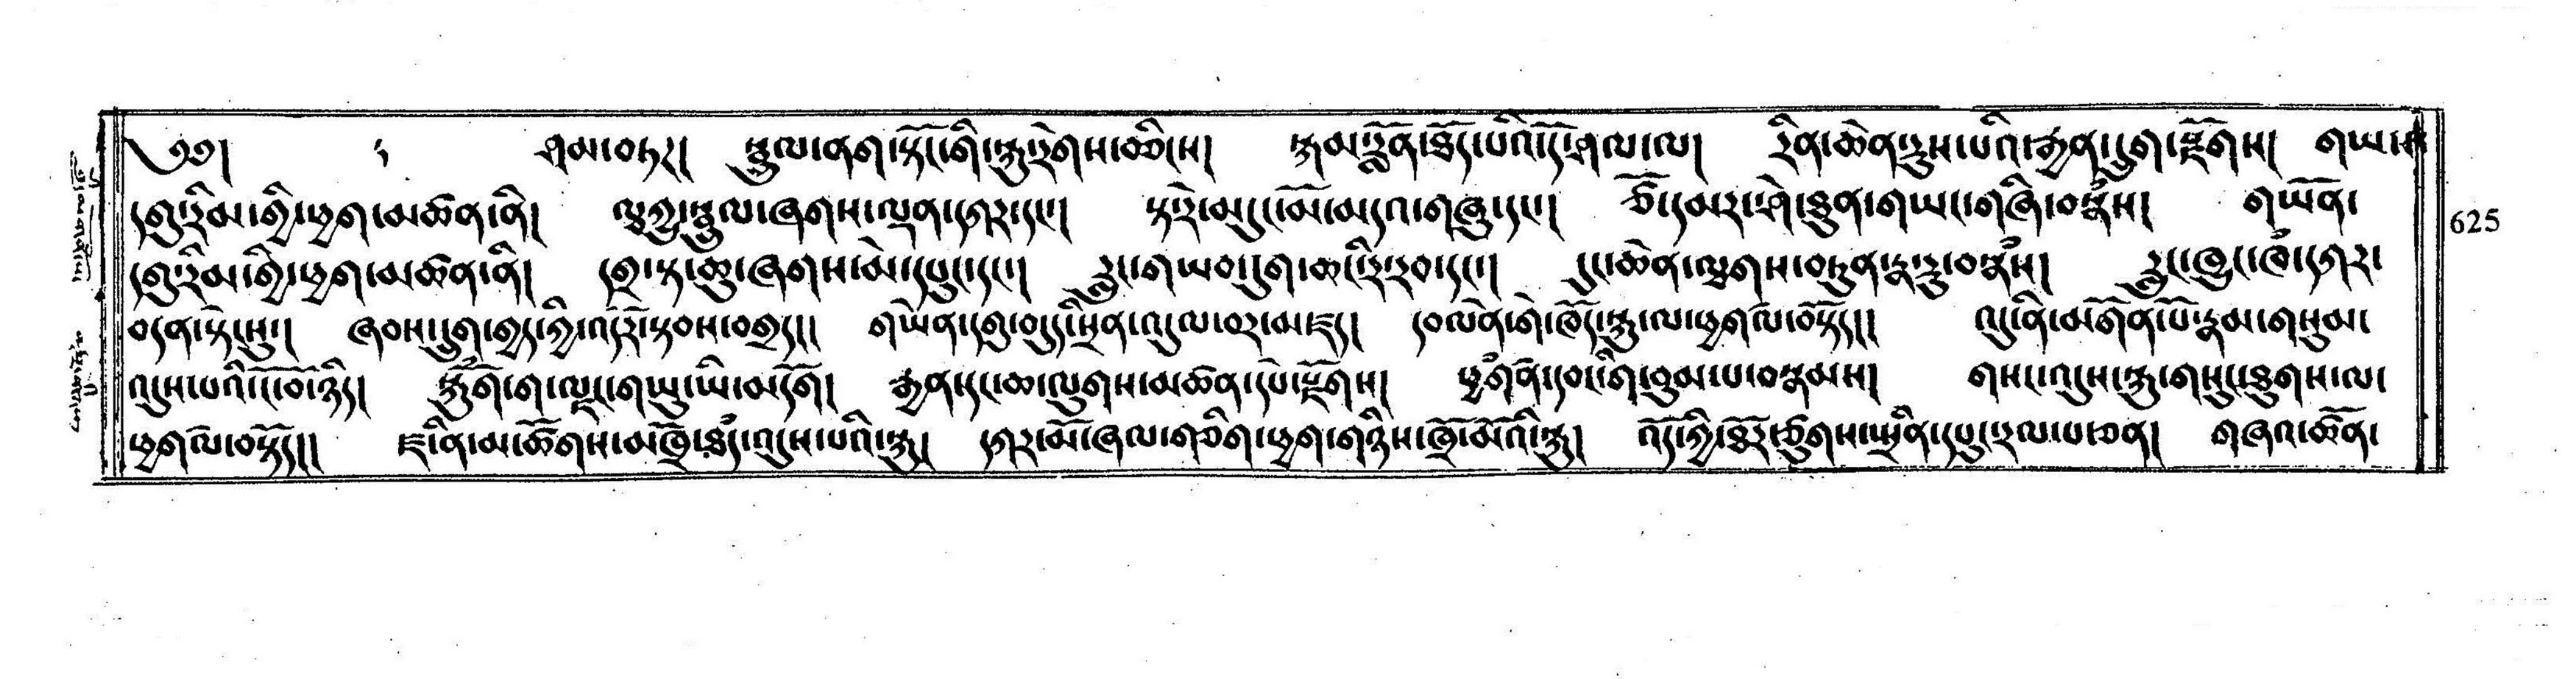ཤམ་བཏགས། སྦྲུལ་ནག་སྟོང་གི་སྐུ་རེགས་བཅིངས། སྐམ་རློན་ཐོད་པའི་དོ་ཤལ་ལ། རིན་ཆེན་རུས་པའི་རྒྱན་དྲུག་རྫོགས། གཡས་
དགུ་རིམ་གྱི་ཕྱག་མཚན་ནི། ལྕག་ཀྱུ་སྦྲུལ་ཞགས་ལྡན་དཀར་དང་། སྟ་རེ་མདུང་མོ་མདའ་གཞུ་དང་། ཙོ་དམར་ཤེ་ཐུན་གཡང་གཞི་བསྣམས། གཡོན་
དགུ་རིམ་གྱི་ཕྱག་མཚན་ནི། དགྲ་སྟ་ཆུ་ཞགས་མེ་དཔུང་དང་། རླུང་གཡབ་དུག་ཆང་རི་རབ་དང་། དུང་ཆེན་ལྕགས་བཏུན་རྣ་རུ་བསྣམས། རླུང་ཁྱུང་ཁམ་དཀར་
གདན་སྟེངས་སུ། ཞབས་དྲུག་གྱད་ཀྱི་འདོར་སྟབས་བགྲད།། གཡེན་དགུ་བདུད་སྲིན་འདུལ་བར་མཛད། དབལ་ཆེན་གེ་ཁོད་སྐུ་ལ་ཕྱག་འཚལ་བསྟོད།། འདུ་ནི་མགོན་པོ་རྣམ་གསུམ་
འདུས་པའི་ངོ་བོ་ཉིད། སྐུ་མདོག་ག་ལྗང་གཡུ་ཡི་མདོག རྒྱན་དང་ཆ་ལུགས་མཚན་དཔེ་རྫོགས། ཕྱག་མཚན་དབང་གི་བུམ་པ་བསྣམས། གསང་འདུས་སྐུ་གསུང་ཐུགས་ལ་
ཕྱག་འཚལ་བསྟོད།། ཛ་ནི་མ་ཚོགས་མཁའ་འགྲོ་ཐམས་ཅད་འདུས་པའི་སྐུ། དཀར་མོ་ཞལ་གཅིག་ཕྱག་གཉིས་ཁྲོ་མོའི་སྐུ། འོད་ཀྱི་ཐོར་ཙུགས་སྤྲིན་དཔུང་རལ་པ་ཅན། གཞའ་ཚོན་